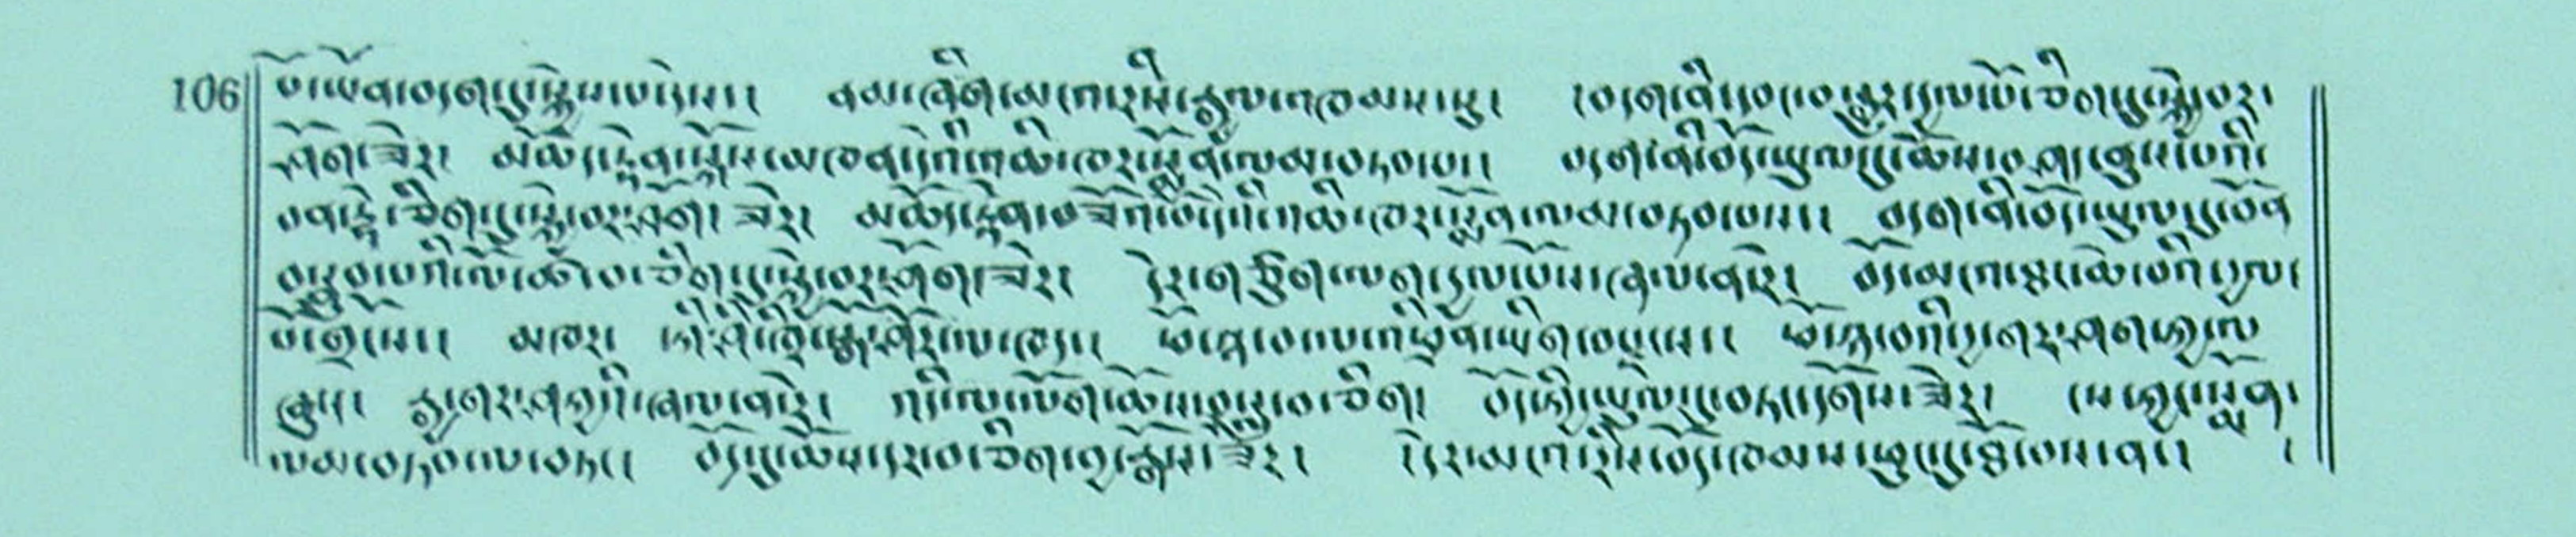བོ་ཡོན་བདག་ཏུ་སྐྱེས་པ་དེས། ནམ་ཞིག་མངའ་རིས་རྒྱལ་ཁམས་སུ། བདག་ནི་དབང་བསྒྱུར་རྒྱལ་བོ་གཅིག་ཏུ་སྐྱེ་བར་
ཤོག་ཟེར། མཆོད་རྟེན་སྐོས་མཁན་དེས་འཆི་ཁར་སྨོན་ལམ་བཏབ་པ། བདག་ནི་བོད་ཡུལ་དུ་ཆོས་བཤད་ནུས་པའི་
བན་དྷེ་གཅིག་ཏུ་སྐྱེ་བར་ཤོག་ཟེར། མཆོད་རྟེན་བཟོ་བོ་དེའི་འཆི་ཁར་སྨོན་ལམ་བཏབས་པ། བདག་ནི་བོད་ཡུལ་དུ་བོན་
བསྣུབ་པའི་ལོ་ཙཱ་བ་གཅིག་ཏུ་སྐྱེ་བར་ཤོག་ཟེར། དེར་གཙུག་ལག་རྒྱལ་བོས་ཞལ་ན་རེ། བོད་མངའ་ཐང་ཆེ་བའི་རྒྱལ་
བོ་གྲོངས། མཁར་ཀི་ཤི་ཁྲི་སྒོ་ཤོར་ལ་ཁད། ཕོ་ཉ་བ་ལ་འཕྲིན་ཡིག་བརྫངས། ཕོ་ཉ་བ་ཡི་རྒྱ་གར་ཤག་ཀྱ་ལ་
ཞུས། རྒྱ་གར་ཤག་ཀྱའི་ཞལ་ན་རེ། འདི་ལ་ལོག་ཆོས་བསླུ་བ་གཅིག བོད་ཀྱི་ཡུལ་དུ་བཏང་དགོས་ཟེར། ངས་ཀྱང་སྨོན་
ལམ་བཏབ་ལ་བཏང་། བོད་དུ་ཆོས་དར་བ་ཅིག་བྱ་དགོས་ཟེར་རོ། །དེར་མངའ་རིས་བོད་ཁམས་ཕུང་དུ་ཐོ་བས་ན།